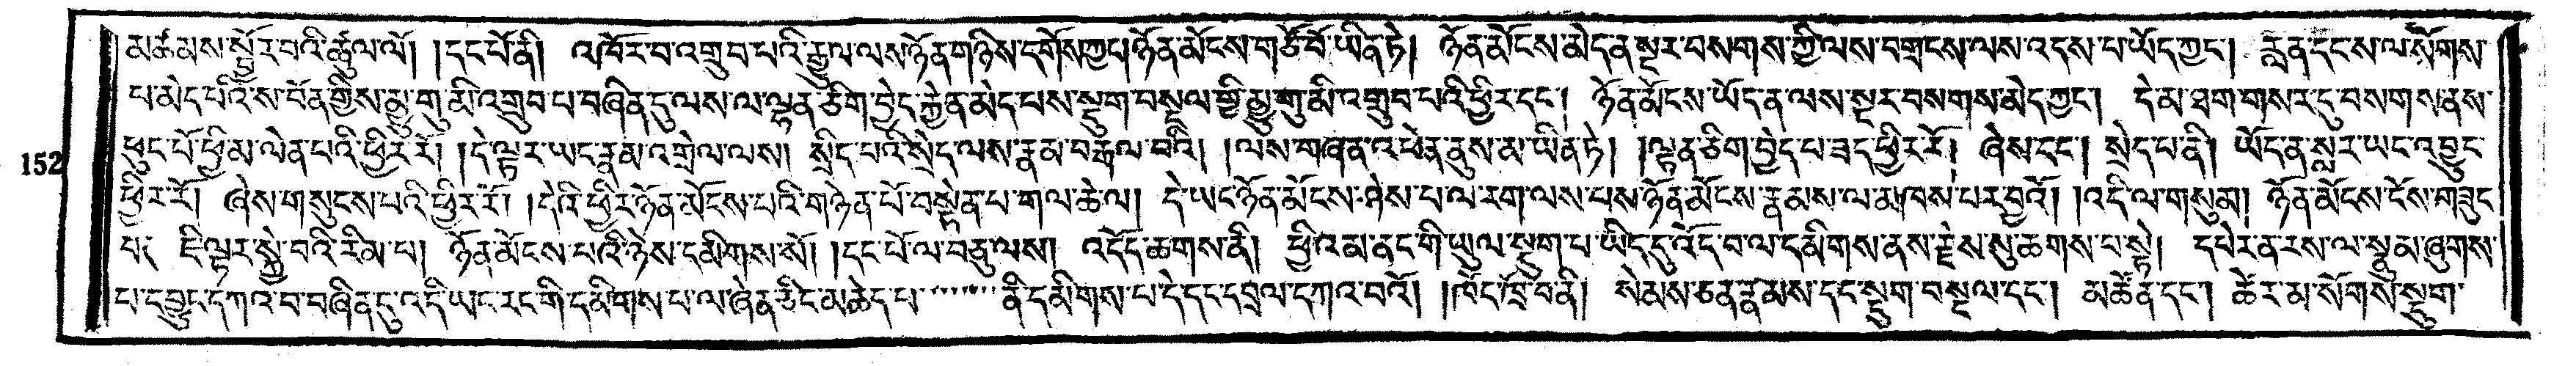མཚམས་སྦྱོར་བའི་ཚུལ་ལོ། །དང་པོ་ནི། འཁོར་བ་འགྲུབ་པའི་རྒྱུལ་ལས་ཉོན་གཉིས་དགོས་ཀྱང་། ཉོན་མོངས་གཙོ་བོ་ཡིན་ཏེ། ཉོན་མོངས་མེད་ན་སྔར་བསགས་ཀྱི་ལས་བགྲངས་ལས་འདས་པ་ཡོད་ཀྱང་། རླན་དང་ས་ལ་སོགས་
པ་མེད་པའི་ས་བོན་གྱིས་མྱུ་གུ་མི་འགྲུབ་པ་བཞིན་དུ་ལས་ལ་ལྷན་ཅིག་བྱེད་རྐྱེན་མེད་པས་སྡུག་བསྔལ་གྱི་མྱུ་གུ་མི་འགྲུབ་པའི་ཕྱིར་དང་། ཉོན་མོངས་ཡོད་ན་ལས་སྔར་བསགས་མེད་ཀྱང་། དེ་མ་ཐག་གསར་དུ་བསགས་ནས་
ཕུང་པོ་ཕྱི་མ་ལེན་པའི་ཕྱིར་རོ། །དེ་ལྟར་ཡང་རྣམ་འགྲེལ་ལས། སྲིད་པའི་སྲེད་ལས་རྣམ་བརྒལ་བའི། །ལས་གཞན་འཕེན་ནུས་མ་ཡིན་ཏེ། །ལྟན་ཅིག་བྱེད་པ་ཟད་ཕྱིར་རོ། ཞེས་དང་། སྲེད་པ་ནི། ཡོད་ན་སླར་ཡང་འབྱུང་
ཕྱིར་རོ། ཞེས་གསུངས་པའི་ཕྱིར་རོ། །དེའི་ཕྱིར་ཉོན་མོངས་པའི་གཉེན་པོ་བསྟེན་པ་གལ་ཆེ་ལ། དེ་ཡང་ཉོན་མོངས་ཤེས་པ་ལ་རག་ལས་པས་ཉོན་མོངས་རྣམས་ལ་མཁས་པར་བྱའོ། །འདི་ལ་གསུམ། ཉོན་མོངས་ངོས་གཟུང་
པ༑ ཇི་ལྟར་སྐྱེ་བའི་རིམ་པ། ཉོན་མོངས་པའི་ཉེས་དམིགས་སོ། །དང་པོ་ལ་བཅུ་ལས། འདོད་ཆགས་ནི། ཕྱིའམ་ནང་གི་ཡུལ་སྡུག་པ་ཡིད་དུ་འོད་བ་ལ་དམིགས་ནས་རྗེས་སུ་ཆགས་པ་སྟེ། དཔེར་ན་རས་ལ་སྣུམ་ཞུགས་
པ་དབྱུང་དཀའ་བ་བཞིན་དུ་འདི་ཡང་རང་གི་དམིགས་པ་ལ་ཞེན་ཅིང་མཆེད་པ་ནི་དམིགས་པ་དེ་དང་དབྲལ་དཀའ་བའོ། །ཁོང་ཁྲོ་བ་ནི། སེམས་ཅན་རྣམས་དང་སྡུག་བསྔལ་དང་། མཚོན་དང་། ཚེར་མ་སོགས་སྡུག་